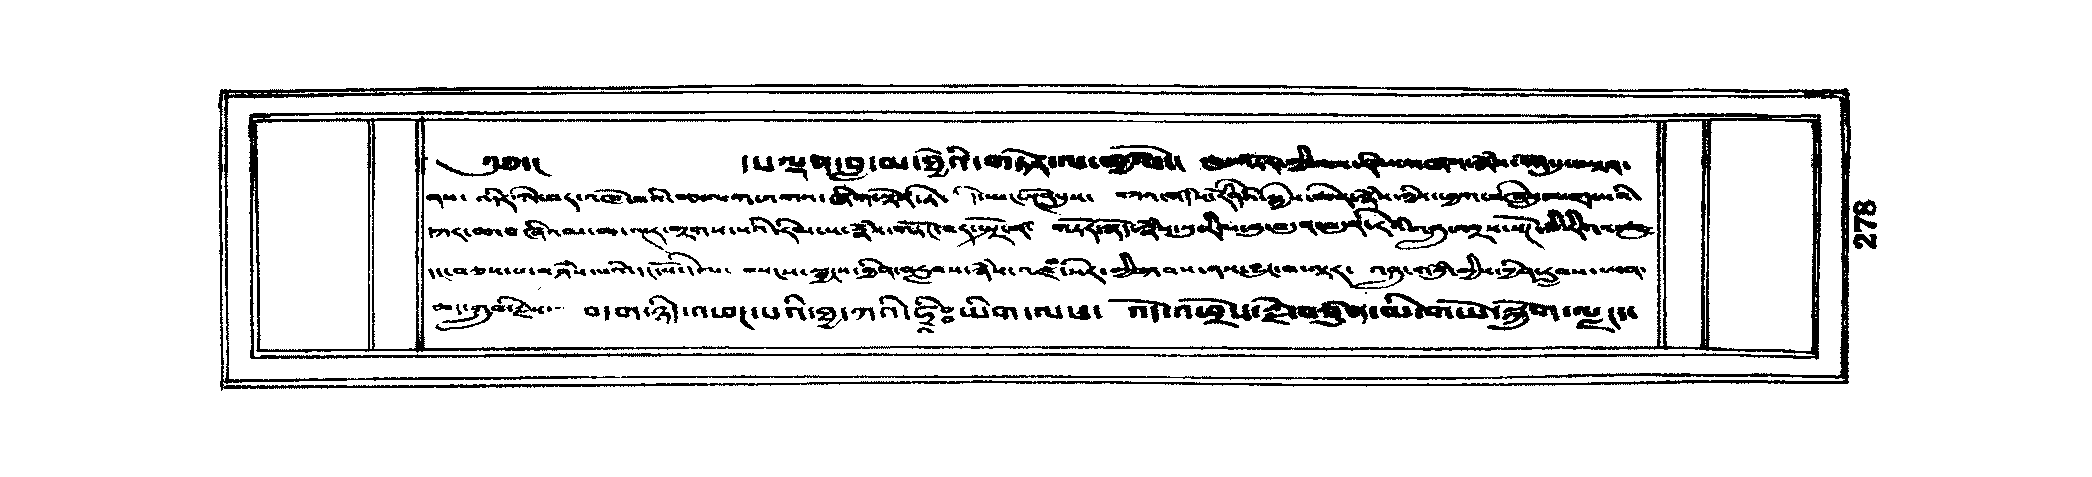དཔལ་ལྡན་བླ་མ་ཐུགས་རྗེའི་གཏེར་ལ་ཕྱག་འཚལ་ལོ། ཆུ་གཏོར་གྱི་ལས་རིམ་གཞན་རྣམས་གོང་དུ་བསྟན་
ནས། འདིར་ཉེ་བར་འཁོ་བའི་ཆ་ལག་འགའ་ཞིག་སྟོན་ཏེ། དེ་ཡང་སྔོན་དུས། བཀའ་གདམས་རིན་པོ་ཆེའི་སྐྱེས་ཆེན་རྣམས་ཀྱིས་ཕྱག་བཞེས་སུ་མཛད་པའི་
དཀར་ཆག་བཞིའམ་ཆ་ལྔར་གྲགས་པའི་རིམ་པ་རྣམས་གཏོང་བར་སྤྲོ་ན། གཏོར་སྣོད་རྣམས་སུ་རིལ་བུ་བདུན་བདུན་རེའི་འབྲུ་འབྲས་སོགས་ཅི་རིགས་ཆུ་
དང་བཅས་པ་བཤམས་པའི་དང་པོ་དེ་ལ།བསངས་སྦྱང་བྱིན་རླབས་རྣམས་འཛམ་སེར་གྱི་སྐབས་ནས་བྱུང་བ་་ལྟར། འབྲུ་གསུམ་གྱི་བྱིན་རླབས་ཡན་
ཆད་གྲུབ་རྗེས། བདག་ཉིད་འཕགས་པའི་ཐུགས་ཀའི་ཧྲིཿཡིག་ལས། །འོད་འཕྲོས་རྗེ་བཙུན་མི་གཡོ་སྐུ་མདོག་ལྗང་། །